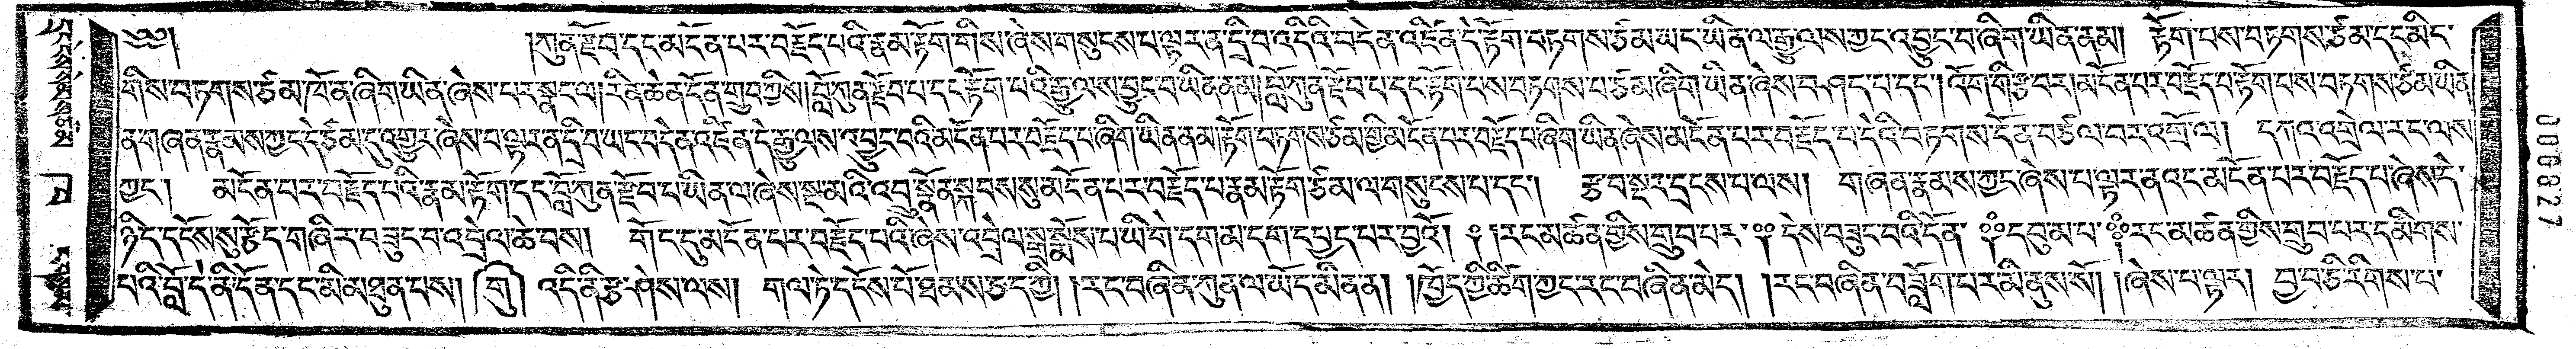༄༅། །ཀུན་རྫོབ་དང་མངོན་པར་བརྗོད་པའི་རྣམ་རྟོག་གིས་ཞེས་གསུངས་པ་ལྟར་ན་དྲི་བ་འདིའི་བདེན་འཛིན་དེ་རྟོག་བཏགས་ཙམ་ཡང་ཡིན་ལ་རྒྱུ་ལས་ཀྱང་འབྱུང་བ་ཞིག་ཡིན་ནམ། རྟོག་པས་བཏགས་ཙམ་དང་མིང་
གིས་བཏགས་ཙམ་ཁོ་ན་ཞིག་ཡིན་ཞེས་པར་སྣང་ལ། རིན་ཆེན་དོན་གྲུབ་ཀྱིས། བློ་ཀུན་རྫོབ་པ་དང་རྟོག་པའི་རྒྱུ་ལས་བྱུང་བ་ཡིན་ནམ། བློ་ཀུན་རྫོབ་པ་དང་རྟོག་པས་བཏགས་པ་ཙམ་ཞིག་ཡིན་ཞེས་བཤད་པ་དང་། འོག་གི་རྩ་བར། མངོན་པར་བརྗོད་པ་རྟོག་པས་བཏགས་ཙམ་ཡིན་
ན་གཞན་རྣམས་ཀྱང་དེ་ཙམ་དུ་འགྱུར་ཞེས་པ་ལྟར་ན་དྲི་བ་ཡང་བདེན་འཛིན་དེ་རྒྱུ་ལས་འབྱུང་བའི་མངོན་པར་བརྗོད་པ་ཞིག་ཡིན་ནམ། རྟོག་བཏགས་ཙམ་གྱི་མངོན་པར་བརྗོད་པ་ཞིག་ཡིན་ཞེས་མངོན་པར་བརྗོད་པ་དེའི་བཏགས་དོན་བཙལ་བར་འགྲོ་ལ། དཀའ་འགྲེལ་རང་ལས་
ཀྱང་། མངོན་པར་བརྗོད་པའི་རྣམ་རྟོག་དང་བློ་ཀུན་རྫོབ་པ་ཡིན་ལ་ཞེས་སྔ་མའི་འབྲུ་སྣོན་སྐབས་སུ་མངོན་པར་བརྗོད་པ་རྣམ་རྟོག་ཙམ་ལ་གསུངས་པ་དང་། རྩ་བ་སྔར་དྲངས་པ་ལས། གཞན་རྣམས་ཀྱང་ཞེས་པ་ལྟར་ནའང་མངོན་པར་བརྗོད་པ་ཞེས་དེ་
ཉིད་དངོས་སུ་རྩོད་གཞིར་བཟུང་བ་འབྲེལ་ཆེ་བས། གོང་དུ་མངོན་པར་བརྗོད་པའི་ཞེས་འབྲེལ་སྒྲ་སྨོས་པ་ཡི་གེ་དག་མ་དག་དཔྱད་པར་བྱའོ། ༈ །རང་མཚན་གྱིས་གྲུབ་པར་༈ དེས་བཟུང་བའི་དོན་༈ དབུ་མ་པ་༈ རང་མཚན་གྱིས་གྲུབ་པར་དམིགས་
པའི་བློ་དེ་ནི་དོན་དང་མི་མཐུན་པས། ༼གུ༽ འདི་ནི་རྩ་ཤེས་ལས། གལ་ཏེ་དངོས་པོ་ཐམས་ཅད་ཀྱི། །རང་བཞིན་ཀུན་ལ་ཡོད་མིན་ན། །ཁྱོད་ཀྱི་ཚིག་ཀྱང་རང་བཞིན་མེད། །རང་བཞིན་བཟློག་པར་མི་ནུས་སོ། །ཞེས་པ་ལྟར། བྱ་བ་ཅི་རིགས་པ་